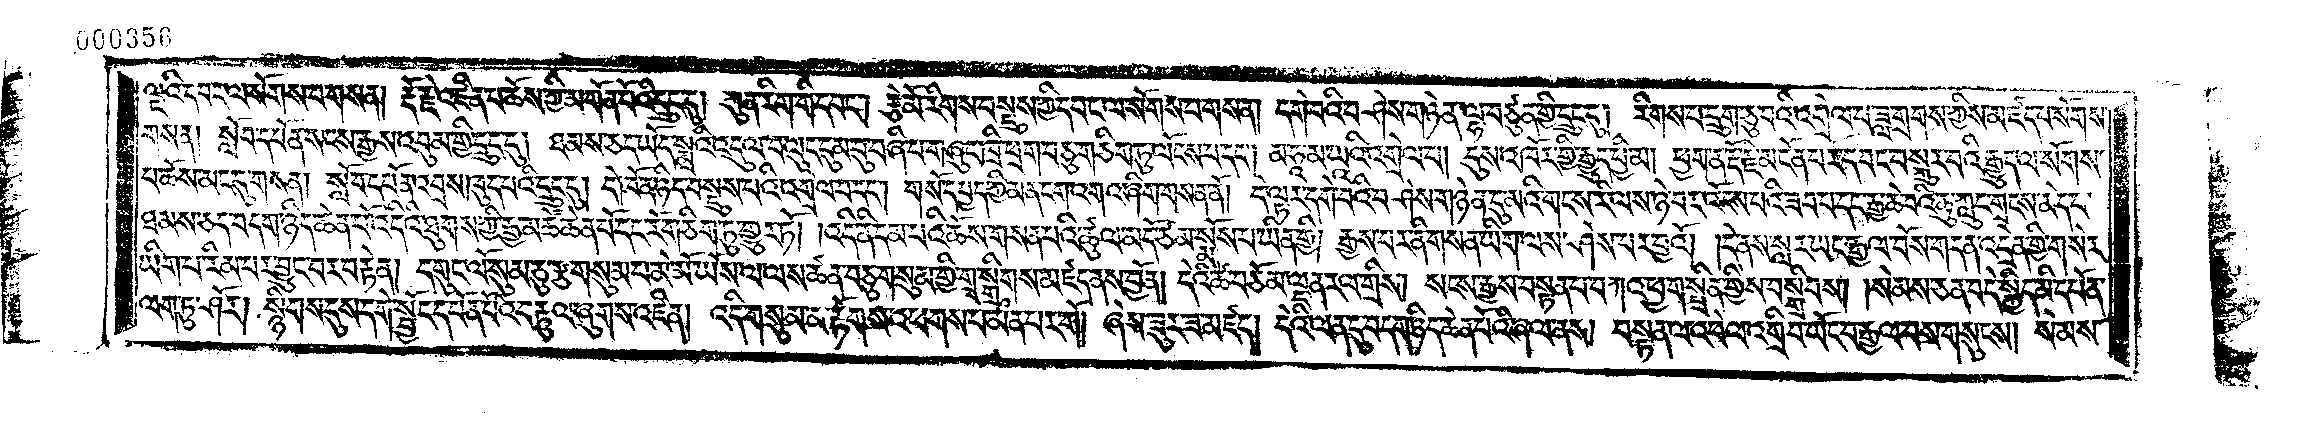ལྔའི་དབང་ལ་སོགས་བ་གསན། རྡོ་རྗེ་འཛིན་པ་ཆོས་ཀྱི་མགོན་པོའི་དྲུང་དུ། ཀུན་རིག་གི་དབང་། རྩེ་མོ་རིགས་བསྡུས་ཀྱི་དབང་ལ་སོགས་བ་གསན། དགེ་བའི་བཤེས་གཉེན་ལྷ་བཙུན་གྱི་དྲུང་དུ། རིགས་པ་དྲུག་ཅུ་བའི་འགྲེལ་པ་ཟླ་གྲགས་ཀྱིས་མཛད་པ་སོགས་
གསན། སློབ་དཔོན་སངས་རྒྱས་འབུམ་གྱི་དྲུང་དུ། ཐམས་ཅད་ཡོད་སྨྲའི་འདུལ་བ་ལུང་དུམ་བུ་བཞི་པ་གཞུང་ཁྲི་ཕྲག་བཅུ་གཅིག་ཏུ་ལོངས་པ་དང་། མ་ཧཱ་མ་ཡཱའི་འགྲེལ་བ། དུས་འཁོར་གྱི་རྒྱུད་ཕྱི་མ། ཕྱག་ན་རྡོ་རྗེ་མངོན་པར་དབང་བསྐུར་བའི་རྒྱུད་ལ་སོགས་
པ་ཆོས་མང་དུ་གསན། སློབ་དཔོན་འབྲས། བུད་པའི་དྲུང་དུ། དེ་ཁོ་ན་ཉིད་བསྡུས་པའི་འགྲེལ་བ་དང་། གསོ་དཔྱད་ཀྱི་མན་ངག་འགའ་ཞིག་གསན་ནོ། དེ་ལྟར་དགེ་བའི་བཤེས་གཉེན་དུ་མའི་གངས་རི་ལས་ཉེ་བར་འོངས་པའི་ཟབ་བ་དང་རྒྱ་ཆེ་བའི་ཆུ་ཀླུང་གྲངས་མེད་པ་
ཐམས་ཅད་བདག་ཉིད་ཆེན་པོ་འདིའི་ཐུགས་ཀྱི་རྒྱ་མཚོ་ཆེན་པོ་དང་རོ་གཅིག་ཏུ་གྱུར་ཏོ། །འདི་ནི་དམ་པའི་ཆོས་གསན་པའི་ཚུལ་མདོ་ཙམ་སྨོས་པ་ཡིན་གྱི། རྒྱས་པར་ནི་གསན་ཡིག་ལས་ཤེས་པར་བྱའོ། །དེ་ནས་སླར་ཡང་རྒྱལ་བོས་གདན་འདྲེན་གྱི་གསེར་
ཡིག་པ་རིམ་པར་བྱུང་བར་བརྟེན། དགུང་ལོ་སུམ་ཅུ་རྩ་གསུམ་པ་མེ་མོ་ཡོས་ལ་ལས་ཚན་བཅུ་གསུམ་གྱི་གྲྭ་སྒྲིགས་མཛད་ནས་བྱོན། དེའི་ཚེ་བཅོམ་ལྡན་རལ་གྲིབས། སངས་རྒྱས་བསྟན་པ་བཀའ་ཕྱག་སྤྲིན་གྱིས་བསྒྲིབས། །སེམས་ཅན་བདེ་སྐྱིད་མི་དཔོན་
ལག་ཏུ་ཤོར། སྙིགས་དུས་དགེ་སྦྱོང་དཔོན་པོའི་བརྟུལ་ཞུགས་འཛིན། འདི་གསུམ་མ་རྟོགས་འཕགས་པ་མྀན་པར་གོ། ཞེས་ཟུར་ཟ་མཛད། དེའི་ལན་དུ་བདག་ཉིད་ཆེན་པོའི་ཞལ་ནས། བསྟན་ལ་འཕེལ་འགྲིབ་ཡོང་བ་རྒྱལ་པས་གསུངས། སེམས་